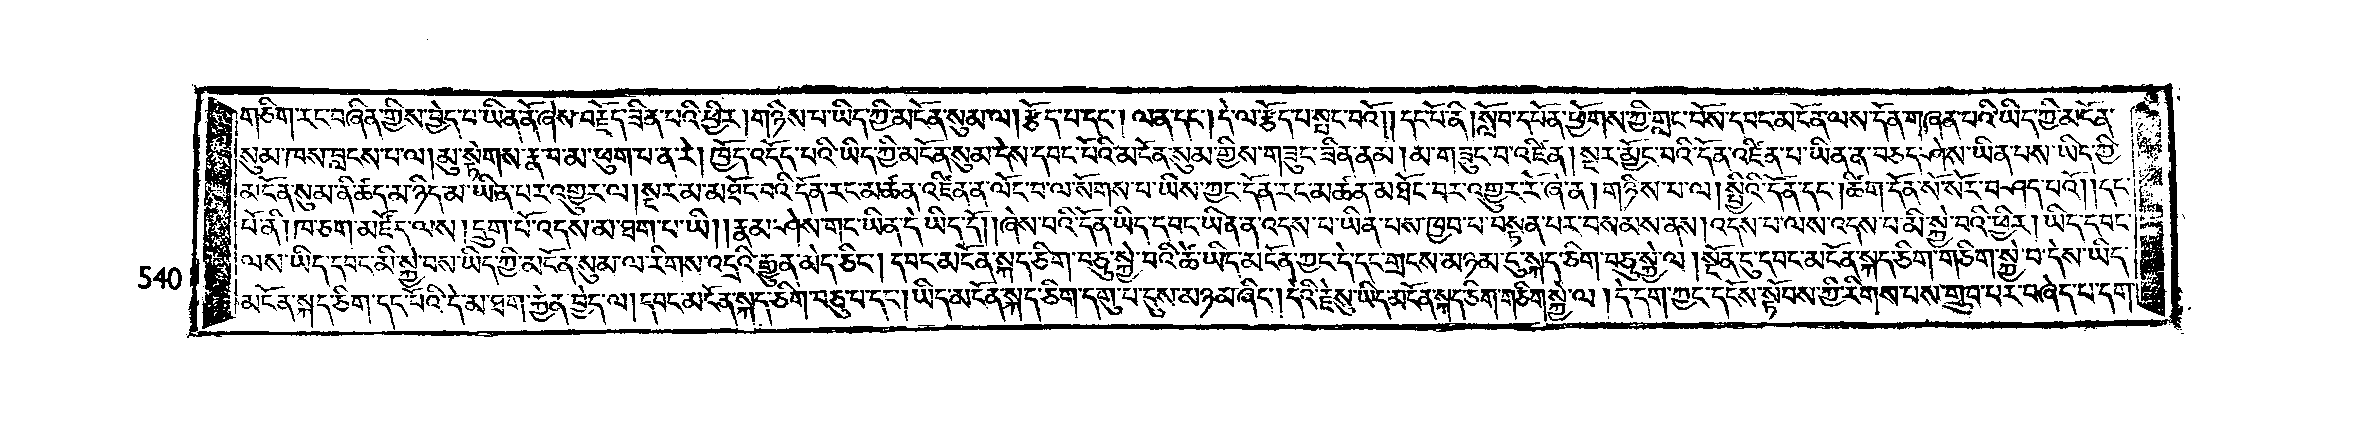གཅིག་རང་བཞིན་གྱིས་བྱེད་པ་ཡིན་ནོ་ཞེས་བརྗོད་ཟིན་པའི་ཕྱིར། གཉིས་པ་ཡིད་ཀྱི་མངོན་སུམ་ལ། རྩོད་པ་དང་། ལན་དང་། དེ་ལ་རྩོད་པ་སྤང་བའོ། །དང་པོ་ནི། སློབ་དཔོན་ཕྱོགས་ཀྱི་གླང་པོས་དབང་མངོན་ལས་དོན་གཞན་པའི་ཡིད་ཀྱི་མངོན་
སུམ་ཁས་བླངས་པ་ལ། མུ་སྟེགས་རྣ་བ་མ་ཕུག་པ་ན་རེ། ཁྱོད་འདོད་པའི་ཡིད་ཀྱི་མངོན་སུམ་དེས་དབང་པོའི་མངོན་སུམ་གྱིས་གཟུང་ཟིན་ནམ། མ་གཟུང་བ་འཛིན། སྔར་མྱོང་བའི་དོན་འཛིན་པ་ཡིན་ན་བཅད་ཤེས་ཡིན་པས་ཡིད་ཀྱི་
མངོན་སུམ་ནི་ཚད་མ་ཉིད་མ་ཡིན་པར་འགྱུར་ལ། སྔར་མ་མཐོང་བའི་དོན་རང་མཚན་འཛིན་ན་ལོང་བ་ལ་སོགས་པ་ཡིས་ཀྱང་དོན་རང་མཚན་མཐོང་བར་འགྱུར་རོ་ཞེ་ན། གཉིས་པ་ལ། སྤྱིའི་དོན་དང་། ཚིག་དོན་སོ་སོར་བཤད་པའོ། །དང་
པོ་ནི། ཁ་ཅིག་མཛོད་ལས། དྲུག་པོ་འདས་མ་ཐག་པ་ཡི། །རྣམ་ཤེས་གང་ཡིན་དེ་ཡིད་དོ། །ཞེས་པའི་དོན་ཡིད་དབང་ཡིན་ན་འདས་པ་ཡིན་པས་ཁྱབ་པ་བསྟན་པར་བསམས་ནས། འདས་པ་ལས་འདས་པ་མི་སྐྱེ་བའི་ཕྱིར། ཡིད་དབང་
ལས་ཡིད་དབང་མི་སྐྱེ་བས་ཡིད་ཀྱི་མངོན་སུམ་ལ་རིགས་འདྲའི་རྒྱུན་མེད་ཅིང་། དབང་མངོན་སྐད་ཅིག་བཅུ་སྐྱེ་བའི་ཚེ་ཡིད་མངོན་ཀྱང་དེ་དང་གྲངས་མཉམ་དུ་སྐད་ཅིག་བཅུ་སྐྱེ་ལ། སྔོན་དུ་དབང་མངོན་སྐད་ཅིག་གཅིག་སྐྱེ་བ་དེས་ཡིད་
མངོན་སྐད་ཅིག་དང་པོའི་དེ་མ་ཐག་རྐྱེན་བྱེད་ལ། དབང་མངོན་སྐད་ཅིག་བཅུ་པ་དང་། ཡིད་མངོན་སྐད་ཅིག་དགུ་པ་དུས་མཉམ་ཞིང་། དེའི་རྗེས་སུ་ཡིད་མངོན་སྐད་ཅིག་གཅིག་སྐྱེ་ལ། དེ་དག་ཀྱང་དངོས་སྟོབས་ཀྱི་རིགས་པས་གྲུབ་པར་བཞེད་པ་དག་